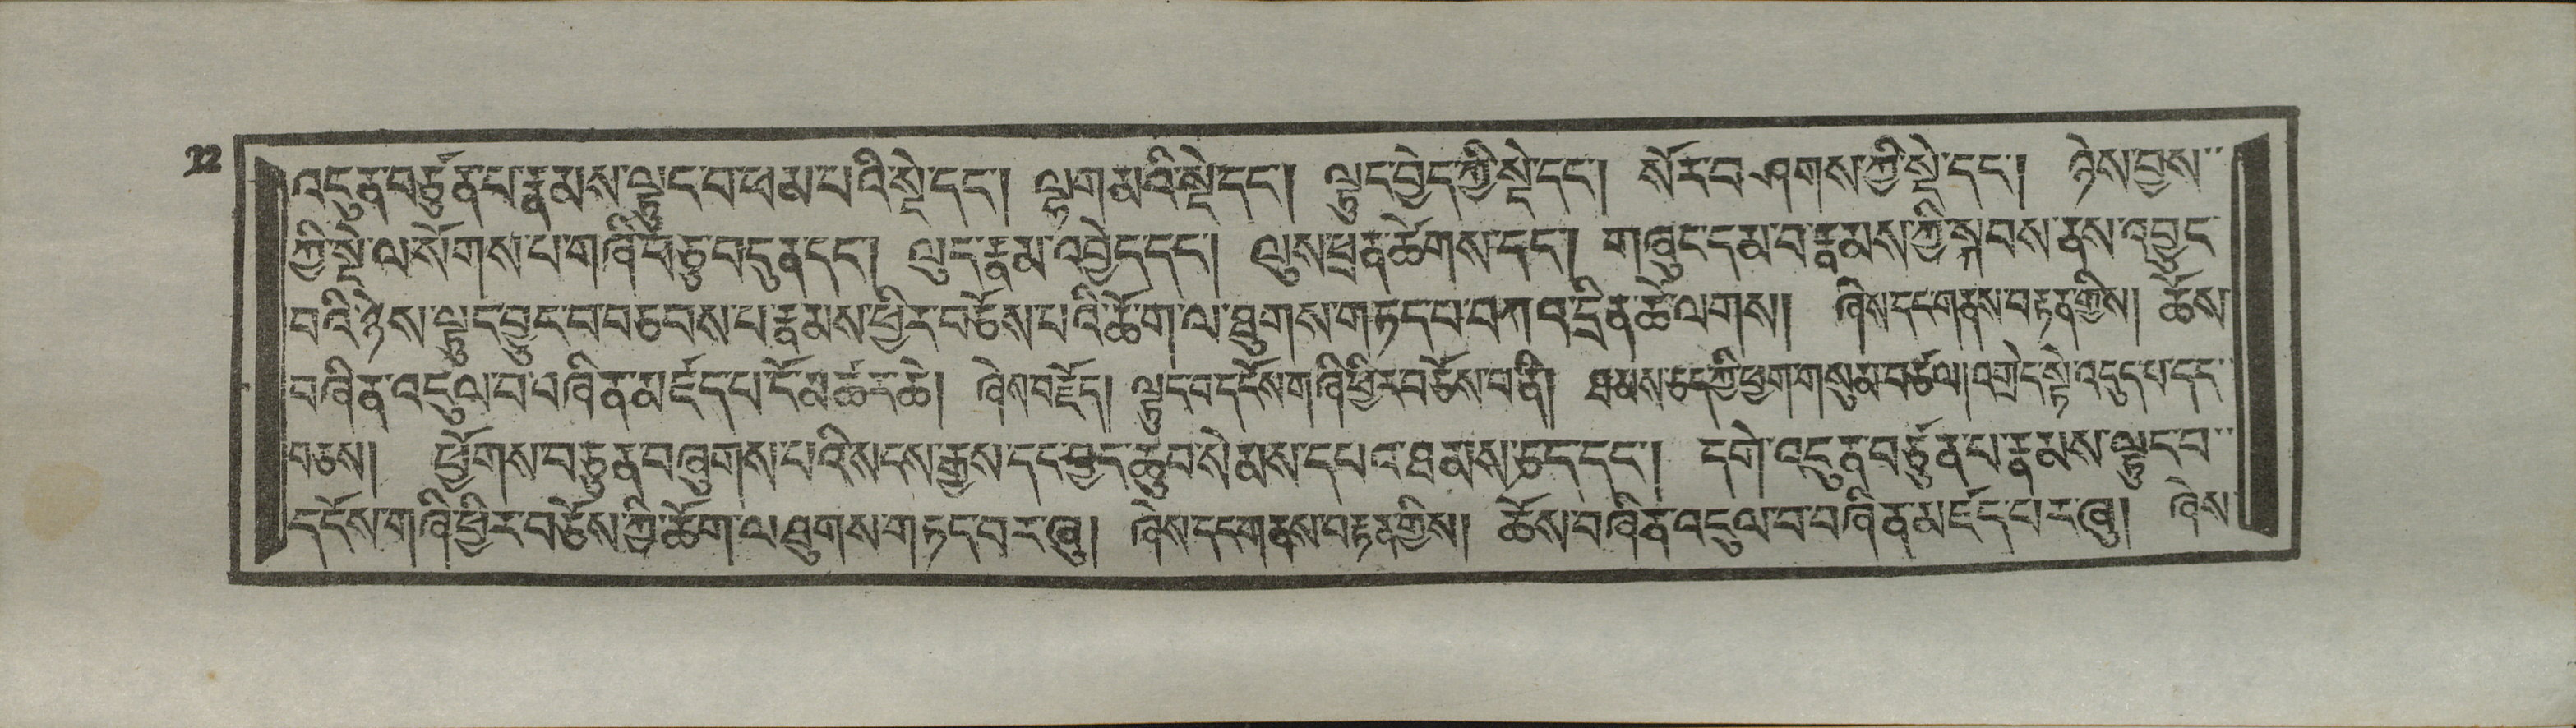འདུན་བཙུན་པ་རྣམས་ལྟུང་བ་ཕམ་པའི་སྡེ་དང་། ལྷག་མའི་སྡེ་དང་། ལྟུང་བྱེད་ཀྱི་སྡེ་དང་། སོར་བཤགས་ཀྱི་སྡེ་དང་། ཉེས་བྱས་
ཀྱི་སྡེ་ལ་སོགས་པ་གཞི་བཅུ་བདུན་དང་། ལུད་རྣམ་འབྱེད་དང་། ལུས་ཕྲན་ཚེགས་དང་། གཞུང་དམ་པ་རྣམས་ཀྱི་སྐབས་ནས་འབྱུང་
བའི་ཉེས་ལྟུང་བྱུང་བ་བཅབས་པ་རྣམས་ཕྱིར་བཅོས་པའི་ཆོ་ག་ལ་ཐུགས་གཏད་པ་བཀའ་དྲིན་ཆེ་ལགས། ཞེས་དང་གནས་བརྟན་གྱིས།  ཆོས་
བཞིན་འདུལ་བ་བཞིན་མཛད་པ་ངོ་མཚར་ཆེ། ཞེས་བརྗོད། ལྟུང་བ་དངོས་གཞི་ཕྱིར་བཅོས་པ་ནི། ཐམས་ཅད་ཀྱི་ཕྱག་གསུམ་བཙལ། འགྲེང་སྟེ་འདུད་པ་དང་
བཅས། ཕྱོགས་བཅུ་ན་བཞུགས་པའི་སངས་རྒྱས་དང་བྱང་ཆུབ་སེམས་དཔའ་ཐམས་ཅད་དང་། དགེ་འདུན་བཙུན་པ་རྣམས་ལྟུང་བ་
དངོས་གཞི་ཕྱིར་བཅོས་ཀྱི་ཆོག་ག་ལ་ཐུགས་གཏད་བར་ཞུ། ཞེས་དང་གནས་བརྟན་གྱིས།  ཆོས་བཞིན་འདུལ་བ་བཞིན་མཛད་པར་ཞུ། ཞེས་